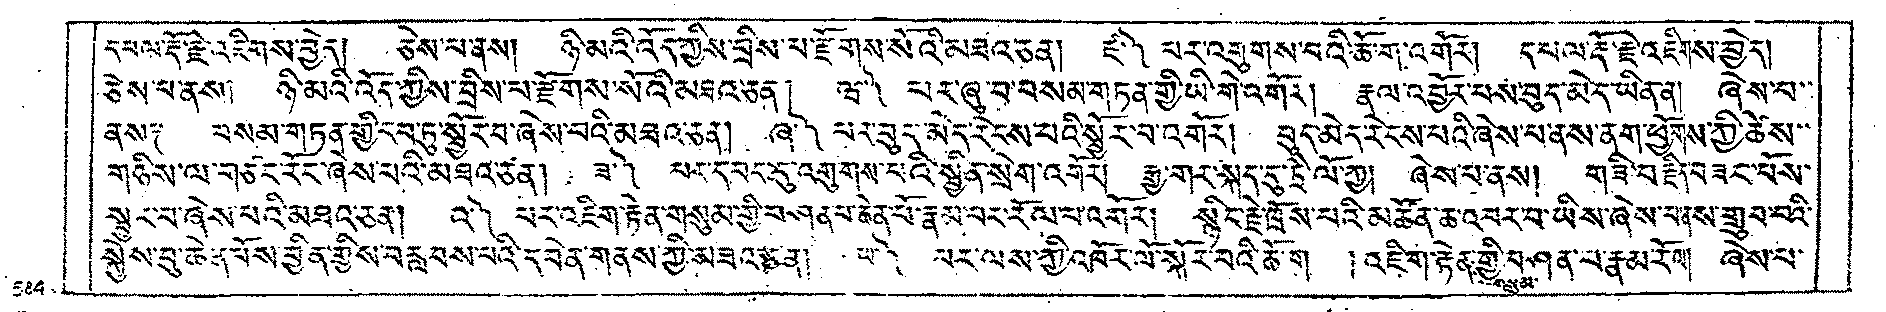དཔལ་རྡོ་རྗེ་འཇིགས་བྱེད། ཅེས་པ་ནས། ཉི་མའི་འོད་ཀྱིས་བྲིས་པ་རྫོགས་སོའི་མཐའ་ཅན། ཛ྄་པར་འགུགས་པའི་ཆོ་ག་འགོར། དཔལ་རྡོ་རྗེ་འཇིགས་བྱེད།
ཅེས་པ་ནས། ཉི་མའི་འོད་ཀྱིས་བྲིས་པ་རྫོགས་སོའི་མཐའ་ཅན། ཝ྄་པར་ཞུ་པ་བསམ་གཏན་གྱི་ཡི་གེ་འགོར། རྣལ་འབྱོར་པས་བུད་མེད་ཡིན་ན། ཞེས་པ་
ནས། བསམ་གཏན་གྱི་རབ་ཏུ་སྦྱོར་བ་ཞེས་པའི་མཐའ་ཅན། ཞ྄་པར་བུད་མེད་རེངས་པའི་སྦྱོར་བ་འགོར། བུད་མེད་རེངས་པའི་ཞེས་པ་ནས་ནག་ཕྱོགས་ཀྱི་ཚེས་
གཉིས་ལ་གཙང་རོང་ཞེས་པའི་མཐའ་ཅན། ཟ྄་པར་དབང་དུ་འགུགས་པའི་སྦྱིན་སྲེག་འགོར། རྒྱ་གར་སྐད་དུ་ཏྲཻ་ལོ་ཀྱ། ཞེས་པ་ནས། གཟི་བརྗིད་བཟང་པོས་
སྦྱར་བ་ཞེས་པའི་མཐའ་ཅན། འ྄་པར་འཇིག་རྟེན་གསུམ་གྱི་བཤན་པ་ཆེན་པོ་རྣམ་པར་རོལ་པ་འགོར། སྙིང་རྗེ་ཁྲོས་པའི་མཚོན་ཆ་འབར་བ་ཡིས་ཞེས་པ་ནས་གྲུབ་པའི་
སྐྱེས་བུ་ཆེན་པོས་བྱིན་གྱིས་བརླབས་པའི་དབེན་གནས་ཀྱི་མཐའ་ཅན། ཡ྄་པར་ལས་ཀྱི་འཁོར་ལོ་སྐོར་བའི་ཆོ་ག །འཇིག་རྟེན་གསུམ་གྱི་བཤན་པ་རྣམ་རོལ། ཞེས་པ་